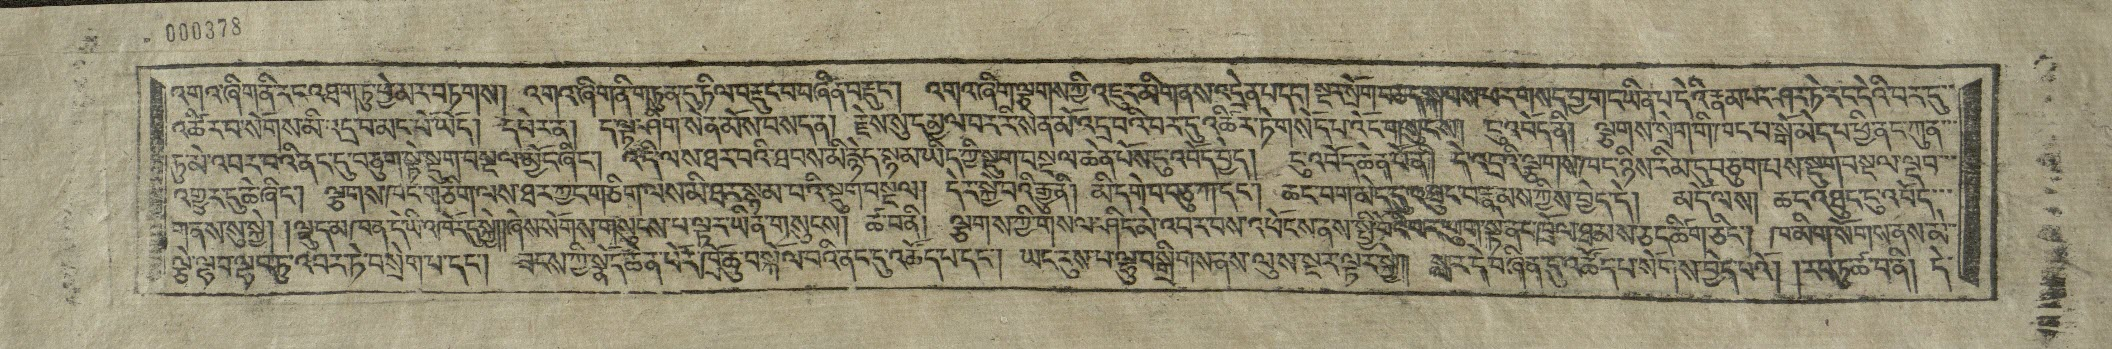འགའ་ཞིག་ནི་རང་འཐག་ཏུ་ཕྱེ་མར་བཏགས། འགའ་ཞིག་ནི་གཏུན་དུ་ཏིལ་བརྡུང་བ་བཞིན་བརྡུང་། འགའ་ཞིག་ལྕགས་ཀྱི་འཇུར་མིག་ནས་འདྲེན་པ་དང་། སྔར་སྲོག་བཅད་སྐབས་ཕར་གསད་བྱ་གང་ཡིན་པ་དེའི་རྣམ་པར་ཤར་ཏེ་རང་དེའི་བར་དུ་
འཚིར་བ་སོགས་མི་འདྲ་བ་མང་པོ་ཡོད། དཔེར་ན། ད་ལྟ་ཤིག་སེན་མོས་བསད་ན། རྗེས་སུ་དམྱལ་བར་རི་སེན་མོ་འདྲ་བའི་བར་དུ་འཚིར་ཏེ་གསོད་པ་འོང་གསུངས། ངུ་འབོད་ནི། ལྕགས་སྲེག་གི་ཁང་པ་སྒོ་མེད་པ་ཕྱི་ནང་ཀུན་
ཏུ་མེ་འབར་བའི་ནང་དུ་བཅུག་སྟེ་སྡུག་བསྔལ་མྱོང་ཞིང་། འདི་ལས་ཐར་བའི་ཐབས་མི་རྙེད་སྙམ་ཡིད་ཀྱི་སྡུག་བསྔལ་ཆེན་པོས་ངུ་འབོད་བྱེད། ངུ་འབོད་ཆེན་པོ་ནི། དེ་འདྲའི་ལྕགས་ཁང་ཉིས་རིམ་དུ་བཅུག་པས་སྡུག་བསྔལ་ལྡབ་
འགྱུར་དུ་ཆེ་ཞིང་། ལྕགས་ཁང་གཅིག་ལས་ཐར་ཀྱང་གཅིག་ལས་མི་ཐར་སྙམ་པའི་སྡུག་བསྔལ། དེར་སྐྱེ་བའི་རྒྱུ་ནི། མི་དགེ་བ་བཅུ་ཀ་དང་། ཆང་བག་མེད་དུ་འཐུང་བ་རྣམས་ཀྱིས་བྱེད་དེ། མདོ་ལས། ཆང་འཐུང་ངུ་འབོད་
གནས་སུ་སྐྱེ། །ལྡུད་མཁན་དེ་ཡི་འཁོར་དུ་སྐྱེ། །ཞེས་སོགས་གསུངས་པ་ལྟར་ཡིན་གསུངས། ཚ་བ་ནི། ལྕགས་ཀྱི་གསལ་ཤིང་མེ་འབར་བས་འཕོངས་ནས་སྤྱི་བོའི་བར་ཕུག་སྟེ་ནང་ཁྲོལ་ཐམས་ཅད་ཚིག་ཅིང་། ཁ་མིག་སོགས་ནས་མེ་
ལྕེ་ལྷབ་ལྷབ་ཏུ་འབར་ཏེ་བསྲེག་པ་དང་། ཟངས་ཀྱི་སྣོད་ཆེན་པོར་ཁྲོ་ཆུ་བསྐོལ་བའི་ནང་དུ་འཚོད་པ་དང་། ཡང་རུས་པ་ལྷུ་བསྒྲིགས་ནས་ལུས་སྔར་ལྟར་སྐྱེ། སླར་དེ་བཞིན་དུ་འཚོད་པ་སོགས་བྱེད་པའོ། །རབ་ཏུ་ཚ་བ་ནི། དེ་